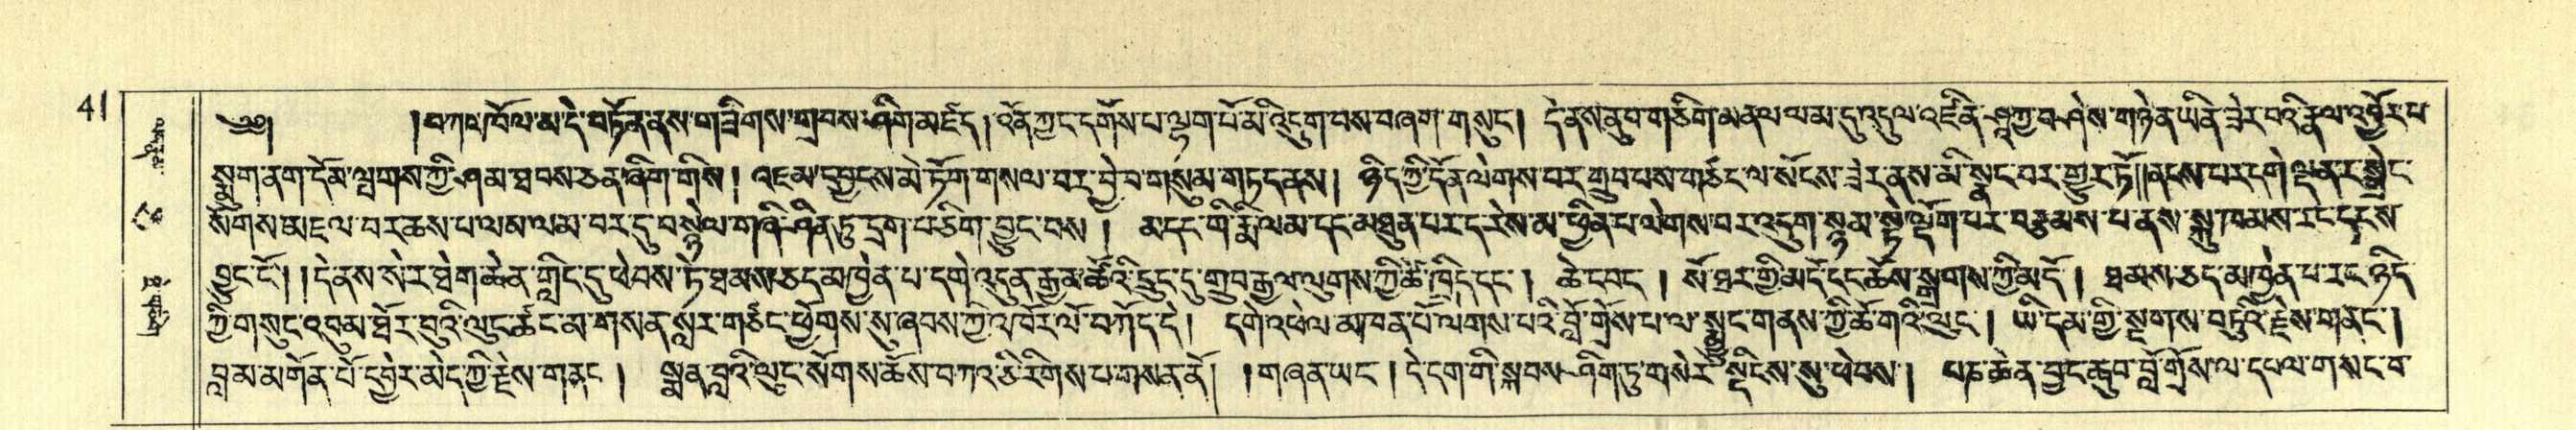༄༅། །བཀའ་ཁོལ་མ་དེ་བཏོན་ནས་གཟིགས་གྲབས་ཤིག་མཛད། འོན་ཀྱང་དགོས་པ་ལྷག་པོ་མི་འདུག་པས་བཞག་གསུང་། དེ་ནས་ནུབ་གཅིག་མནལ་ལམ་དུ་འདུལ་འཛིན་ཤཱཀྱ་བཤེས་གཉེན་ཡིན་ཟེར་བའི་རྣལ་འབྱོར་པ་
སྨུག་ནག་དོམ་ལྤགས་ཀྱི་ཤམ་ཐབས་ཅན་ཞིག་གིས། འཇམ་དབྱངས་མེ་ཏོག་གསལ་བར་བྱེ་བ་གསུམ་གཏད་ནས། ཉིད་ཀྱི་དོན་ལེགས་པར་གྲུབ་པས་གཙང་ལ་སོངས་ཟེར་ནས་མི་སྣང་བར་གྱུར་ཏོ། །ནངས་པར་དགེ་ལྡན་ར་སྒྲེང་
སོགས་མཇལ་བར་ཆས་པ་ལམ་ལམ་བར་དུ་བསྙེལ་གཞི་ཤིན་ཏུ་དྲག་པ་ཅིག་བྱུང་བས། མདང་གི་རྨི་ལམ་དང་མཐུན་པར་ད་རེས་མ་ཕྱིན་པ་ལེགས་བར་འདུག་སྙམ་སྟེ་ལྡོག་པར་བརྩམས་པ་ནས་སྐུ་ཁམས་རང་དངས་
བྱུང་ངོ། །དེ་ནས་སེ་ར་ཐེག་ཆེན་གླིང་དུ་ཕེབས་ཏེ་ཐམས་ཅད་མཁྱེན་པ་དགེ་འདུན་རྒྱ་མཚོའི་དྲུང་དུ་གྲུབ་རྒྱལ་ལུགས་ཀྱི་ཚེ་ཁྲིད་དང་། ཆེ་དབང་། སོ་ཐར་གྱི་མདོ་དང་ཆོས་སྒྲགས་ཀྱི་མདོ། ཐམས་ཅད་མཁྱེན་པ་རང་ཉིད་
ཀྱི་གསུང་འབུམ་ཐོར་བུའི་ལུང་ཚང་མ་གསན་སླར་གཙང་ཕྱོགས་སུ་ཞབས་ཀྱི་འཁོར་ལོ་བཀོད་དེ། དགེ་འཕེལ་མཁན་པོ་ལེགས་པའི་བློ་གྲོས་པ་ལ་སྨྱུང་གནས་ཀྱི་ཆོ་གའི་ལུང་། ཡི་དམ་གྱི་སྔགས་བཏུའི་རྗེས་གནང་།
བླ་མ་མགོན་པོ་དབྱེར་མེད་ཀྱི་རྗེས་གནང་། སྨན་བླའི་ལུང་སོགས་ཆོས་བཀའ་ཅི་རིགས་པ་གསན་ནོ། །གཞན་ཡང་།དེ་དག་གི་སྐབས་ཤིག་ཏུ་གསེར་སྡིངས་སུ་ཕེབས། པཎ་ཆེན་བྱང་ཆུབ་བློ་གྲོས་ལ་དཔལ་གསང་བ་